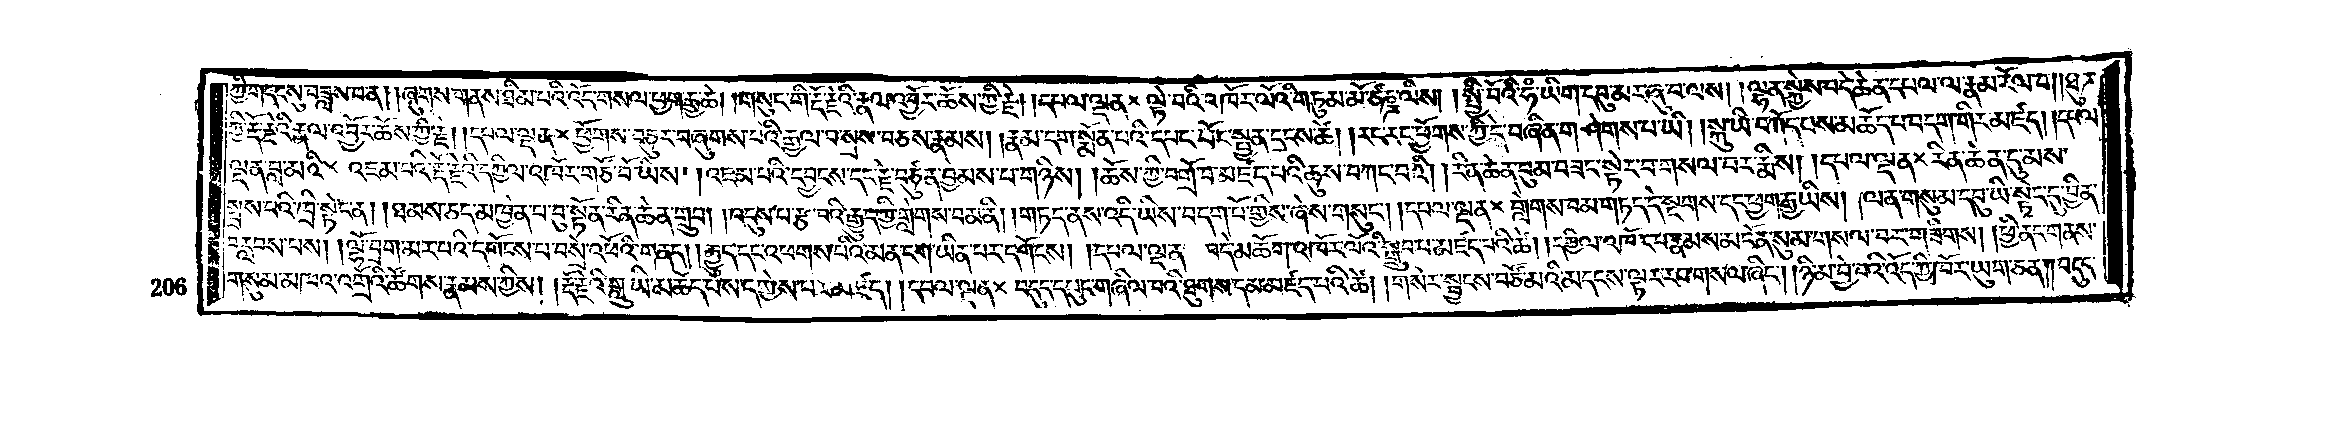ཀྱི་གདངས་སུ་བཟླས་པ་ན། །ཞུགས་གནས་ཐིམ་པའི་འོད་གསལ་ཕྱག་རྒྱ་ཆེ། །གསུང་གི་རྡོ་རྗེའི་རྣལ་འབྱོར་ཆོས་ཀྱི་རྗེ། །དཔལ་ལྡན྾་ལྟེ་བའི་འཁོར་ལོའི་གཏུམ་མོ་ཙཎྜ་ལིས། །སྤྱི་པོའི་ཧཾ་ཡིག་དབུ་མར་ཞུ་བ་ལས། །ལྷན་སྐྱེས་བདེ་ཆེན་དཔལ་ལ་རྣམ་རོལ་བ། །ཐུཌ་
ཀྱི་རྡོ་རྗེའི་རྣལ་འབྱོར་ཆོས་ཀྱི་རྗེ། །དཔལ་ལྡན྾་ཕྱོགས་བཅུར་བཞུགས་པའི་རྒྱལ་བ་སྲས་བཅས་རྣམས། །རྣམ་དག་སྨོན་པའི་དཔང་པོང་སྤྱན་དྲངས་ཚེ། །རང་རང་ཕྱོགས་ཀྱི་དེ་བཞིན་གཤེགས་པ་ཡི། །སྐུ་ཡི་བཀོད་པས་མཆོད་པ་བདག་གིར་མཛད། །དཔལ་
ལྡན་བླ་མའི྾་འཇམ་པའི་རྡོ་རྗེའི་དཀྱིལ་འཁོར་གཙོ་བོ་ཡིས། འཇམ་པའི་དབྱངས་དང་རྗེ་བཙུན་བྱམས་པ་གཉིས། །ཆོས་ཀྱི་བགྲོ་བ་མཛད་པའི་ཆུས་བཀང་བའི། །རིན་ཆེན་བུམ་བཟང་སྟེར་བ་གསལ་བར་རྨིས། །དཔལ་ལྡན྾་རིན་ཆེན་དུ་མས་
སྤྲས་པའི་ཁྲི་སྟེང་ན། །ཐམས་ཅད་མཁྱེན་པ་བུ་སྟོན་རིན་ཆེན་གྲུབ། །འདུས་པ་རྩ་བའི་རྒྱུད་ཀྱི་གླེགས་བམ་ནི། །གཏད་ནས་འདི་ཡིས་བདག་པོ་གྱིས་ཞེས་གསུང་། །དཔལ་ལྡན྾་གླེགས་བམ་གཏད་དེ་སྔགས་དང་ཕྱག་རྒྱ་ཡིས། །ལན་གསུམ་དབུ་ཡི་སྟེང་དུ་བྱིན་
བརླབས་པས། །ལྷོ་བྲག་མར་པའི་དགོངས་པ་བསྲེ་འཕོའི་གནད། །རྒྱུད་དང་འཕགས་པའི་མན་ངག་ཡིན་པར་དགོངས། །དཔལ་ལྡན྾་བདེ་མཆོག་འཁོར་ལོའི་སྒྲུབ་པ་མཛད་པའི་ཚེ། །དཀྱིལ་འཁོར་པ་རྣམས་མངོན་སུམ་གསལ་བར་གཟིགས། །ཕྱི་ནང་གནས་
གསུམ་མཁའ་འགྲོའི་ཚོགས་རྣམས་ཀྱིས། །རྡོ་རྗེའི་གླུ་ཡི་མཆོད་པས་དཀྱེས་པར་མཛད། །དཔལ་ལྡན྾་བདུད་དཔུང་གཞིལ་བའི་ཐུགས་དམ་མཛད་པའི་ཚེ། །གསེར་སྦྱངས་བཙོ་མའི་མདངས་ལྟར་རབ་གསལ་ཞིང་། །ཉི་མ་བྱེ་བའི་འོད་ཀྱི་ཁོར་ཡུག་ཅན། །བདུད་